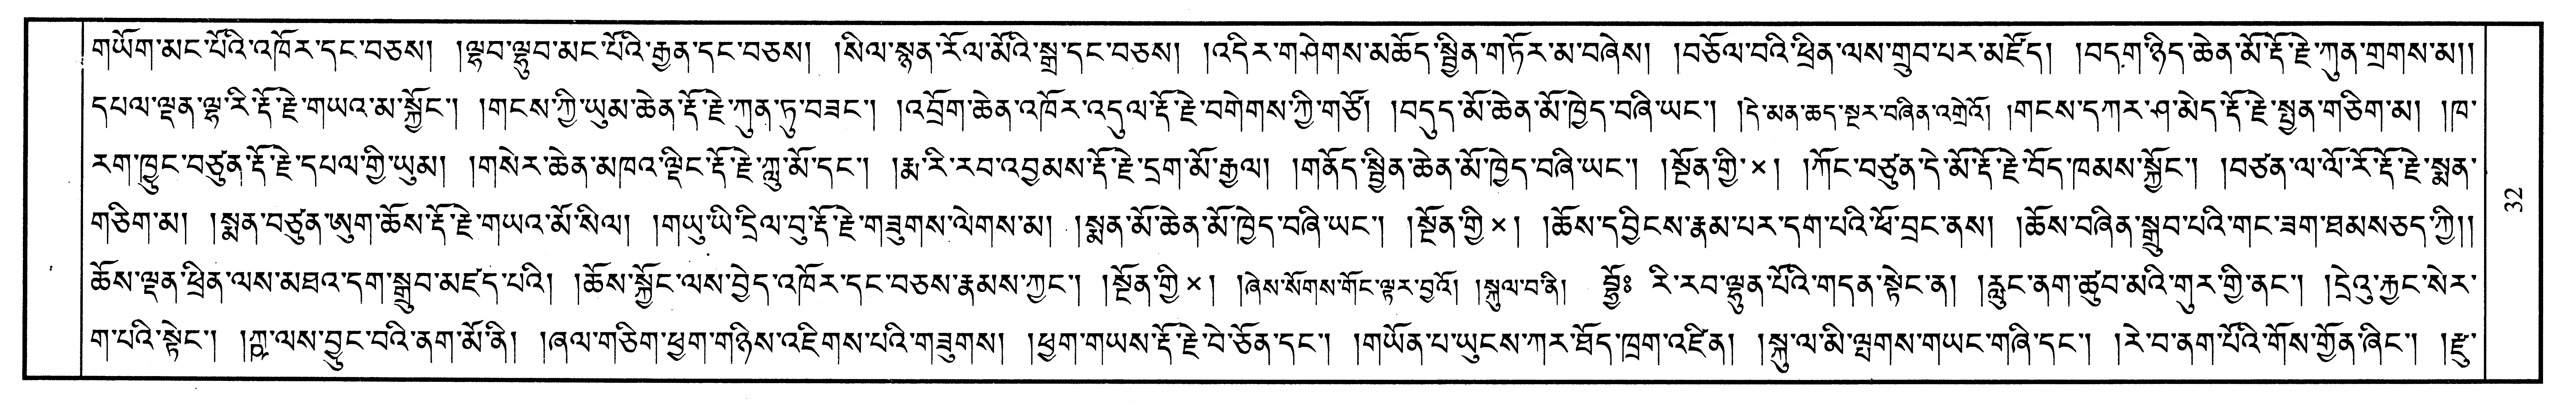གཡོག་མང་པོའི་འཁོར་དང་བཅས། །ལྷབ་ལྷུབ་མང་པོའི་རྒྱན་དང་བཅས། །སིལ་སྙན་རོལ་མོའི་སྒྲ་དང་བཅས། །འདིར་གཤེགས་མཆོད་སྦྱིན་གཏོར་མ་བཞེས། །བཅོལ་བའི་ཕྲིན་ལས་གྲུབ་པར་མཛོད། །བདག་ཉིད་ཆེན་མོ་རྡོ་རྗེ་ཀུན་གྲགས་མ།།
དཔལ་ལྡན་ལྷ་རི་རྡོ་རྗེ་གཡའ་མ་སྐྱོང་། །གངས་ཀྱི་ཡུམ་ཆེན་རྡོ་རྗེ་ཀུན་ཏུ་བཟང་། །འབྲོག་ཆེན་འཁོར་འདུལ་རྡོ་རྗེ་བགེགས་ཀྱི་གཙོ། །བདུད་མོ་ཆེན་མོ་ཁྱེད་བཞི་ཡང་། །དེ་མན་ཆད་སྔར་བཞིན་འགྲེའོ། །གངས་དཀར་ཤ་མེད་རྡོ་རྗེ་སྤྱན་གཅིག་མ། །ཁ་
རག་ཁྱུང་བཙུན་རྡོ་རྗེ་དཔལ་གྱི་ཡུམ། །གསེར་ཆེན་མཁའ་ལྡིང་རྡོ་རྗེ་ཀླུ་མོ་དང་། །རྨ་རི་རབ་འབྱམས་རྡོ་རྗེ་དྲག་མོ་རྒྱལ། །གནོད་སྦྱིན་ཆེན་མོ་ཁྱེད་བཞི་ཡང་། །སྔོན་གྱི་྾། །ཀོང་བཙུན་དེ་མོ་རྡོ་རྗེ་བོད་ཁམས་སྐྱོང་། །བཙན་ལ་ལོ་རོ་རྡོ་རྗེ་སྨན་
གཅིག་མ། །སྨན་བཙུན་ཨུག་ཆོས་རྡོ་རྗེ་གཡའ་མོ་སིལ། །གཡུ་ཡི་དྲིལ་བུ་རྡོ་རྗེ་གཟུགས་ལེགས་མ། །སྨན་མོ་ཆེན་མོ་ཁྱེད་བཞི་ཡང་། །སྔོན་གྱི་྾། །ཆོས་དབྱིངས་རྣམ་པར་དག་པའི་ཕོ་བྲང་ནས། །ཆོས་བཞིན་སྒྲུབ་པའི་གང་ཟག་ཐམས་ཅད་ཀྱི།།
ཆོས་ལྡན་ཕྲིན་ལས་མཐའ་དག་སྒྲུབ་མཛད་པའི། །ཆོས་སྐྱོང་ལས་བྱེད་འཁོར་དང་བཅས་རྣམས་ཀྱང་། །སྔོན་གྱི་྾། །ཞེས་སོགས་གོང་ལྟར་བྱའོ། །སྐུལ་བ་ནི། བྷྱོཿ རི་རབ་ལྷུན་པོའི་གདན་སྟེང་ན། །རླུང་ནག་ཚུབ་མའི་གུར་གྱི་ནང་། །དྲེའུ་རྐྱང་སེར་
ག་པའི་སྟེང་། །ཀྵ་ལས་བྱུང་བའི་ནག་མོ་ནི། །ཞལ་གཅིག་ཕྱག་གཉིས་འཇིགས་པའི་གཟུགས། །ཕྱག་གཡས་རྡོ་རྗེ་བེ་ཅོན་དང་། །གཡོན་པ་ཡུངས་ཀར་ཐོད་ཁྲག་འཛིན། །སྐུ་ལ་མི་ལྤགས་གཡང་གཞི་དང་། །རེ་བ་ནག་པོའི་གོས་གྱོན་ཞིང་། །རྫུ་